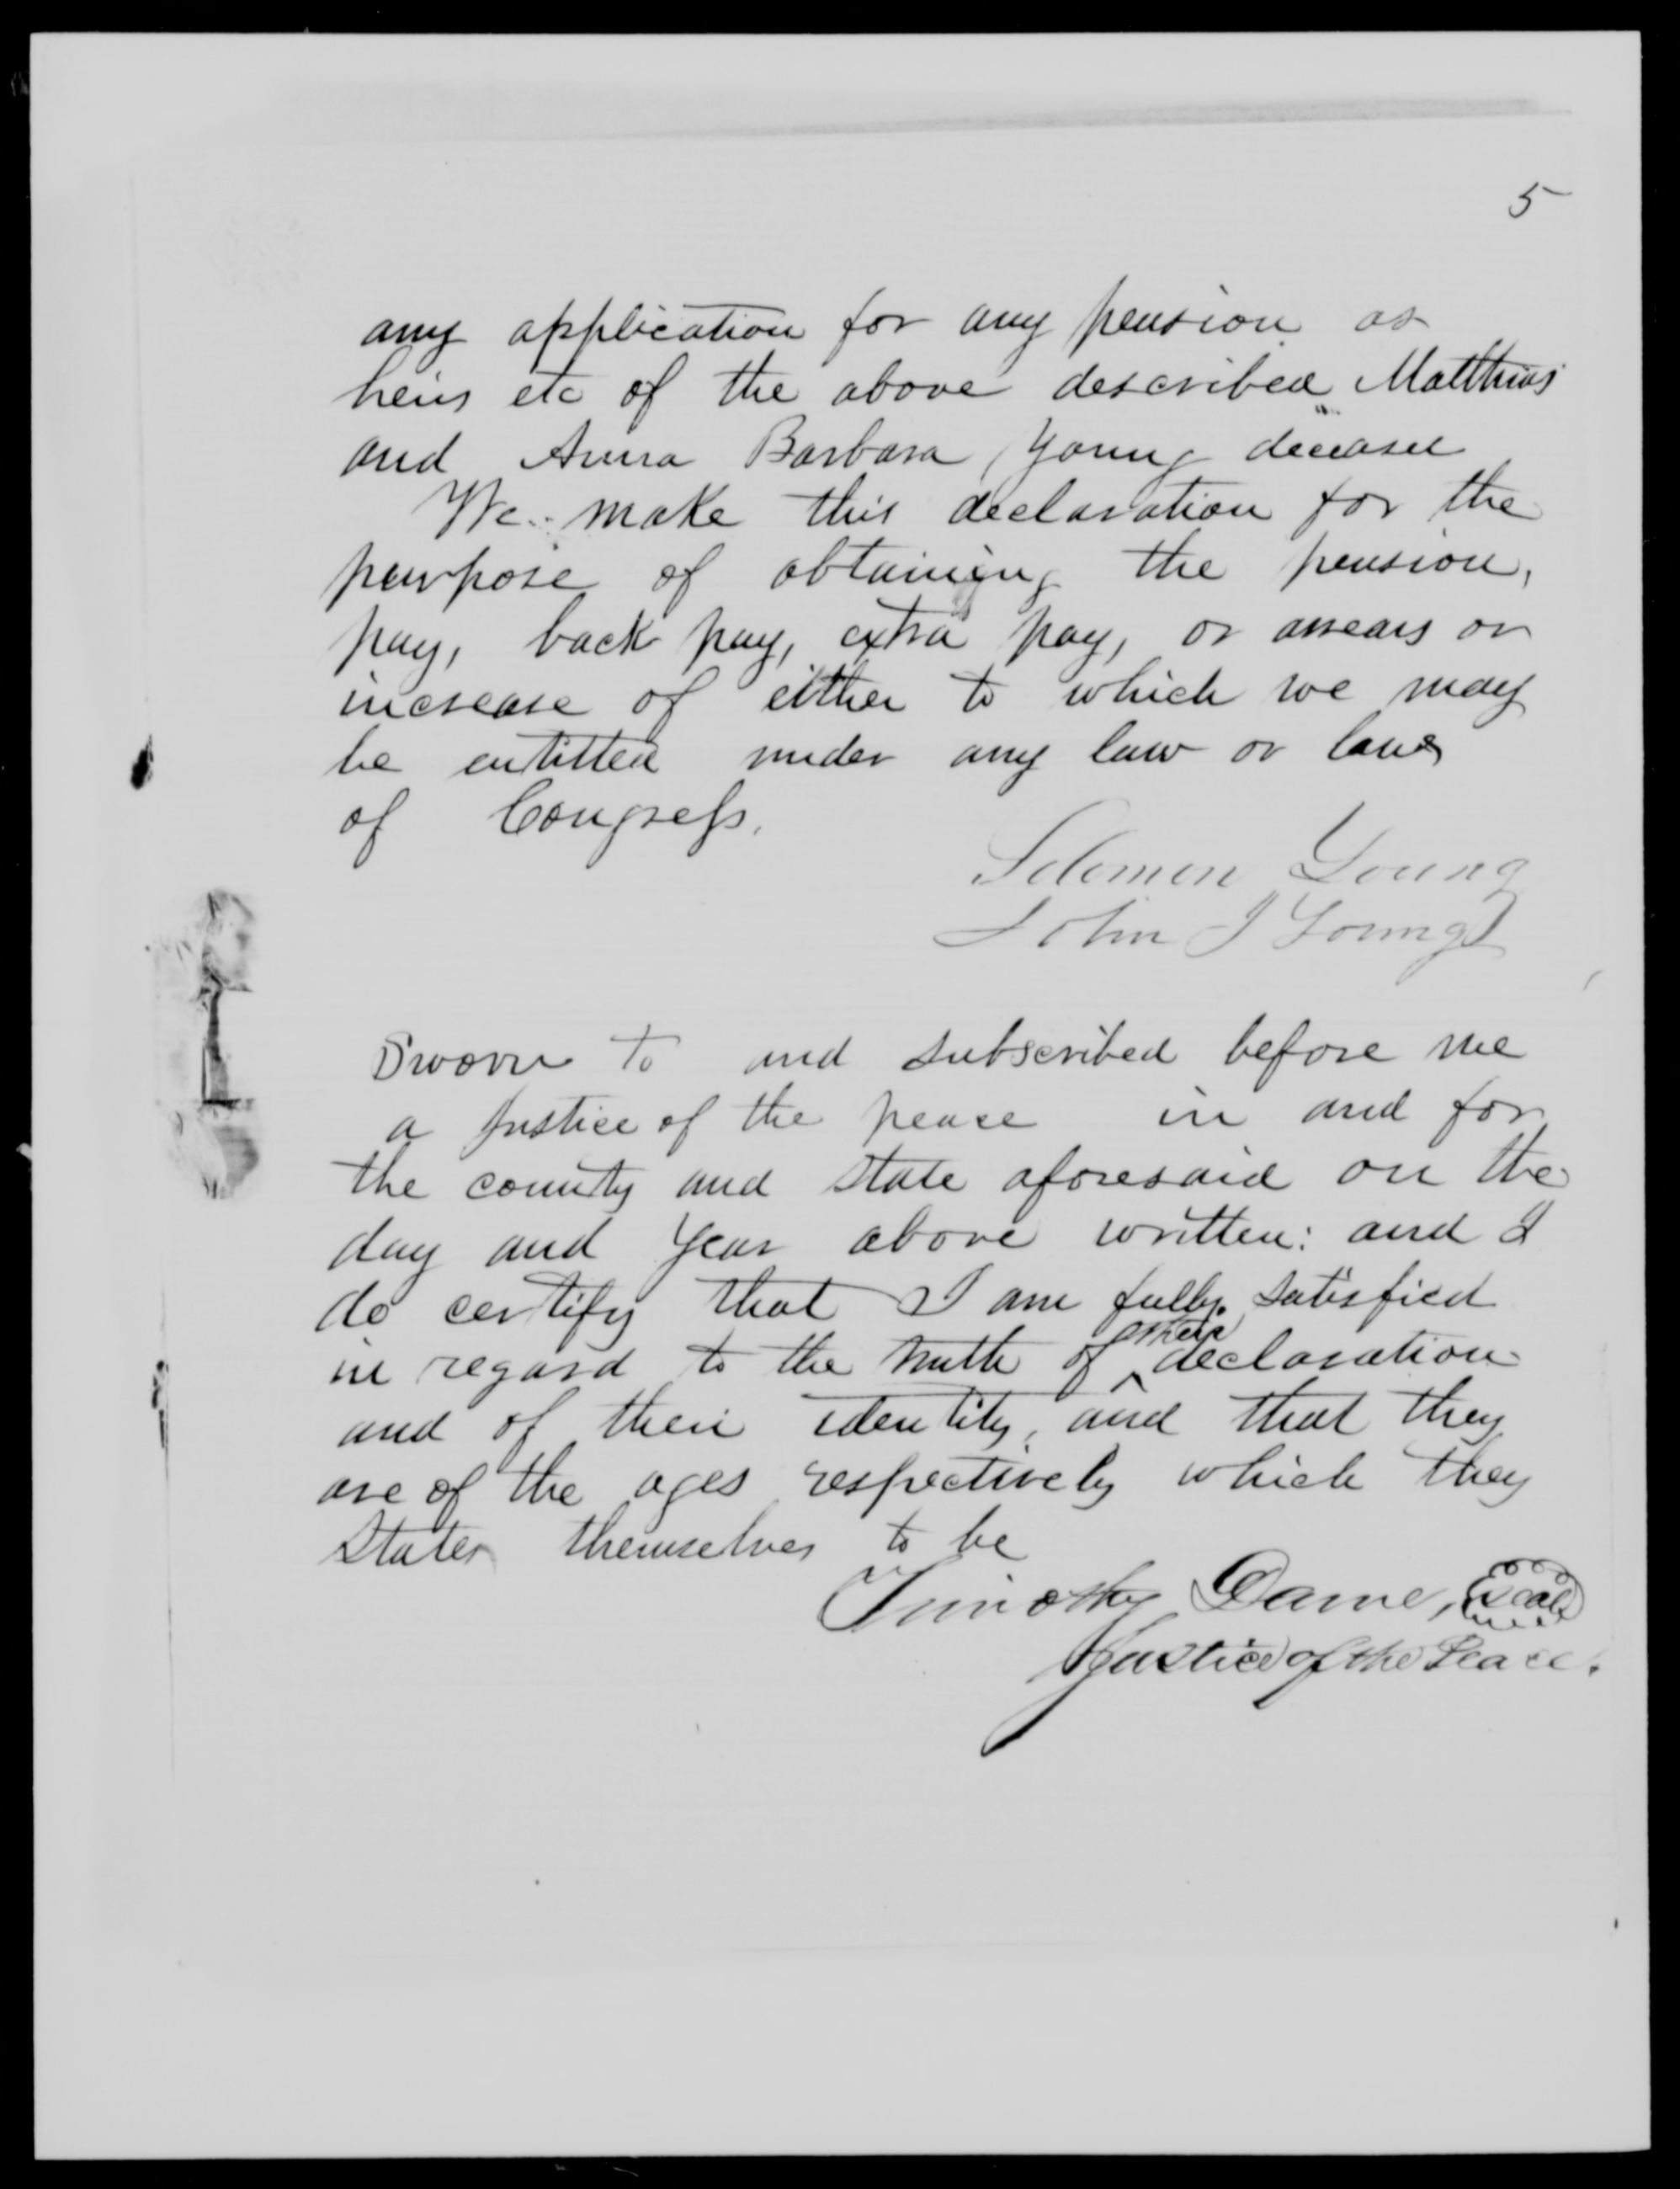5
any application for any pension as
heirs etc of the above described Matthias
and Anna Barbara Young deceased.
We make this declaration for the
purpose of obtaining the pension,
pay, back pay, extra pay, or arrears or
increase of either to which we may
be entitled under any law or laws
Congress.
Solomon Young
John J Young
Sworn to and subscribed before me
a Justice of the peace in and for
the County and State aforesaid on the
day and year above written: and I
do certify that I am fully satisfied
in regard to the truth of declaration
and of their identity, and that they
are of the ages respectively which they
State themselves to be
Timothy Dame {seal}
Justice of the Peace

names: Solomon Young, Matthias Young, Anna Barbara Young, John J Young, Timothy Dame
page: 110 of 123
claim: rejected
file: R. 11,949, Matthias Young, Md.